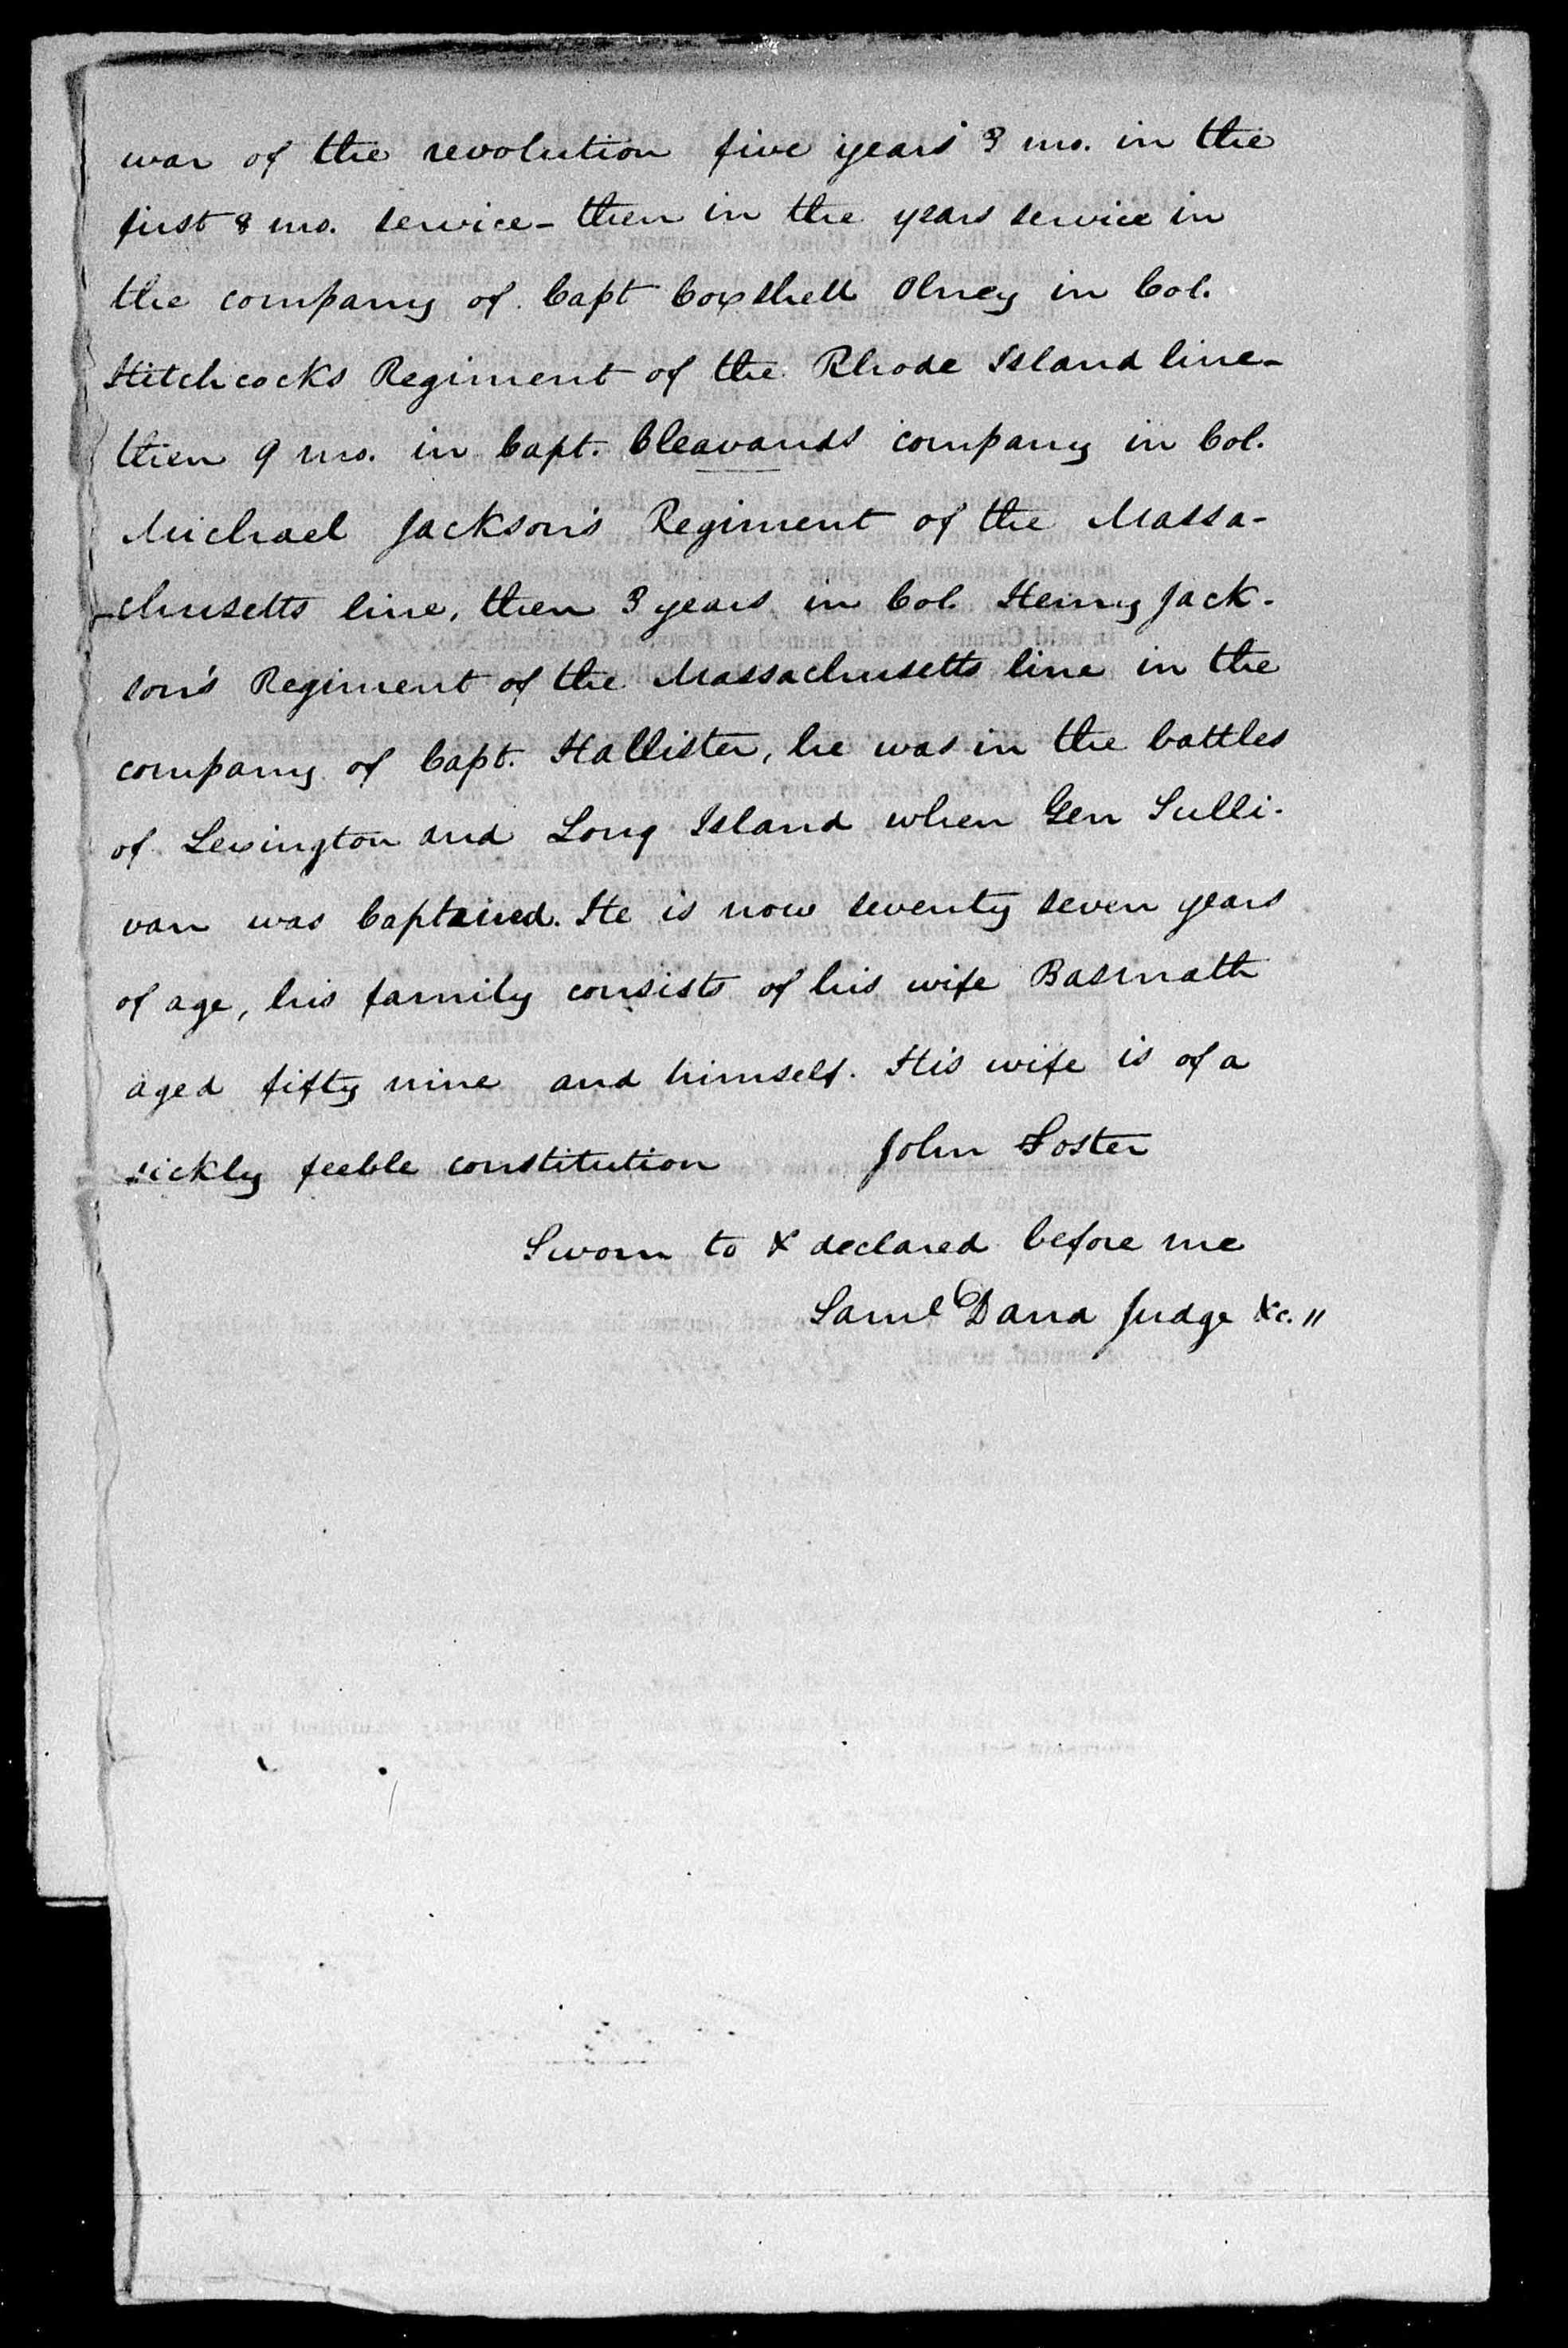war of the revolution five years 3 mo. in the first 8 mo. service- Then in the years service in the company of Capt Coxshell Olney in Col. Hitchcocks Regiment of the Rhode Island line then 9 mo. in Capt. Cleavands company in Col. Michael Jackson's Regiment of the Massachusetts line, then 3 years in Col Henry Jackson's Regiment of the Massachusetts line in the company of Capt. Hallister, he was in the battles of Lexington and Long Island when Gen Sullivan was captured.  He is now seventy seven years of age, his family consists of his wife Basimath aged fifty nine and himself.  His wife is of a sickly feeble constitution
John Foster
Sworn to & declared before me
Saml Dana Judge &c.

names: Basmath, Saml Dana, John Foster, Hallister, Coxshell Olney, Sullivan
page: 9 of 47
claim: widow's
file: W. 7,302, John Foster, Continental Mass. R.I.